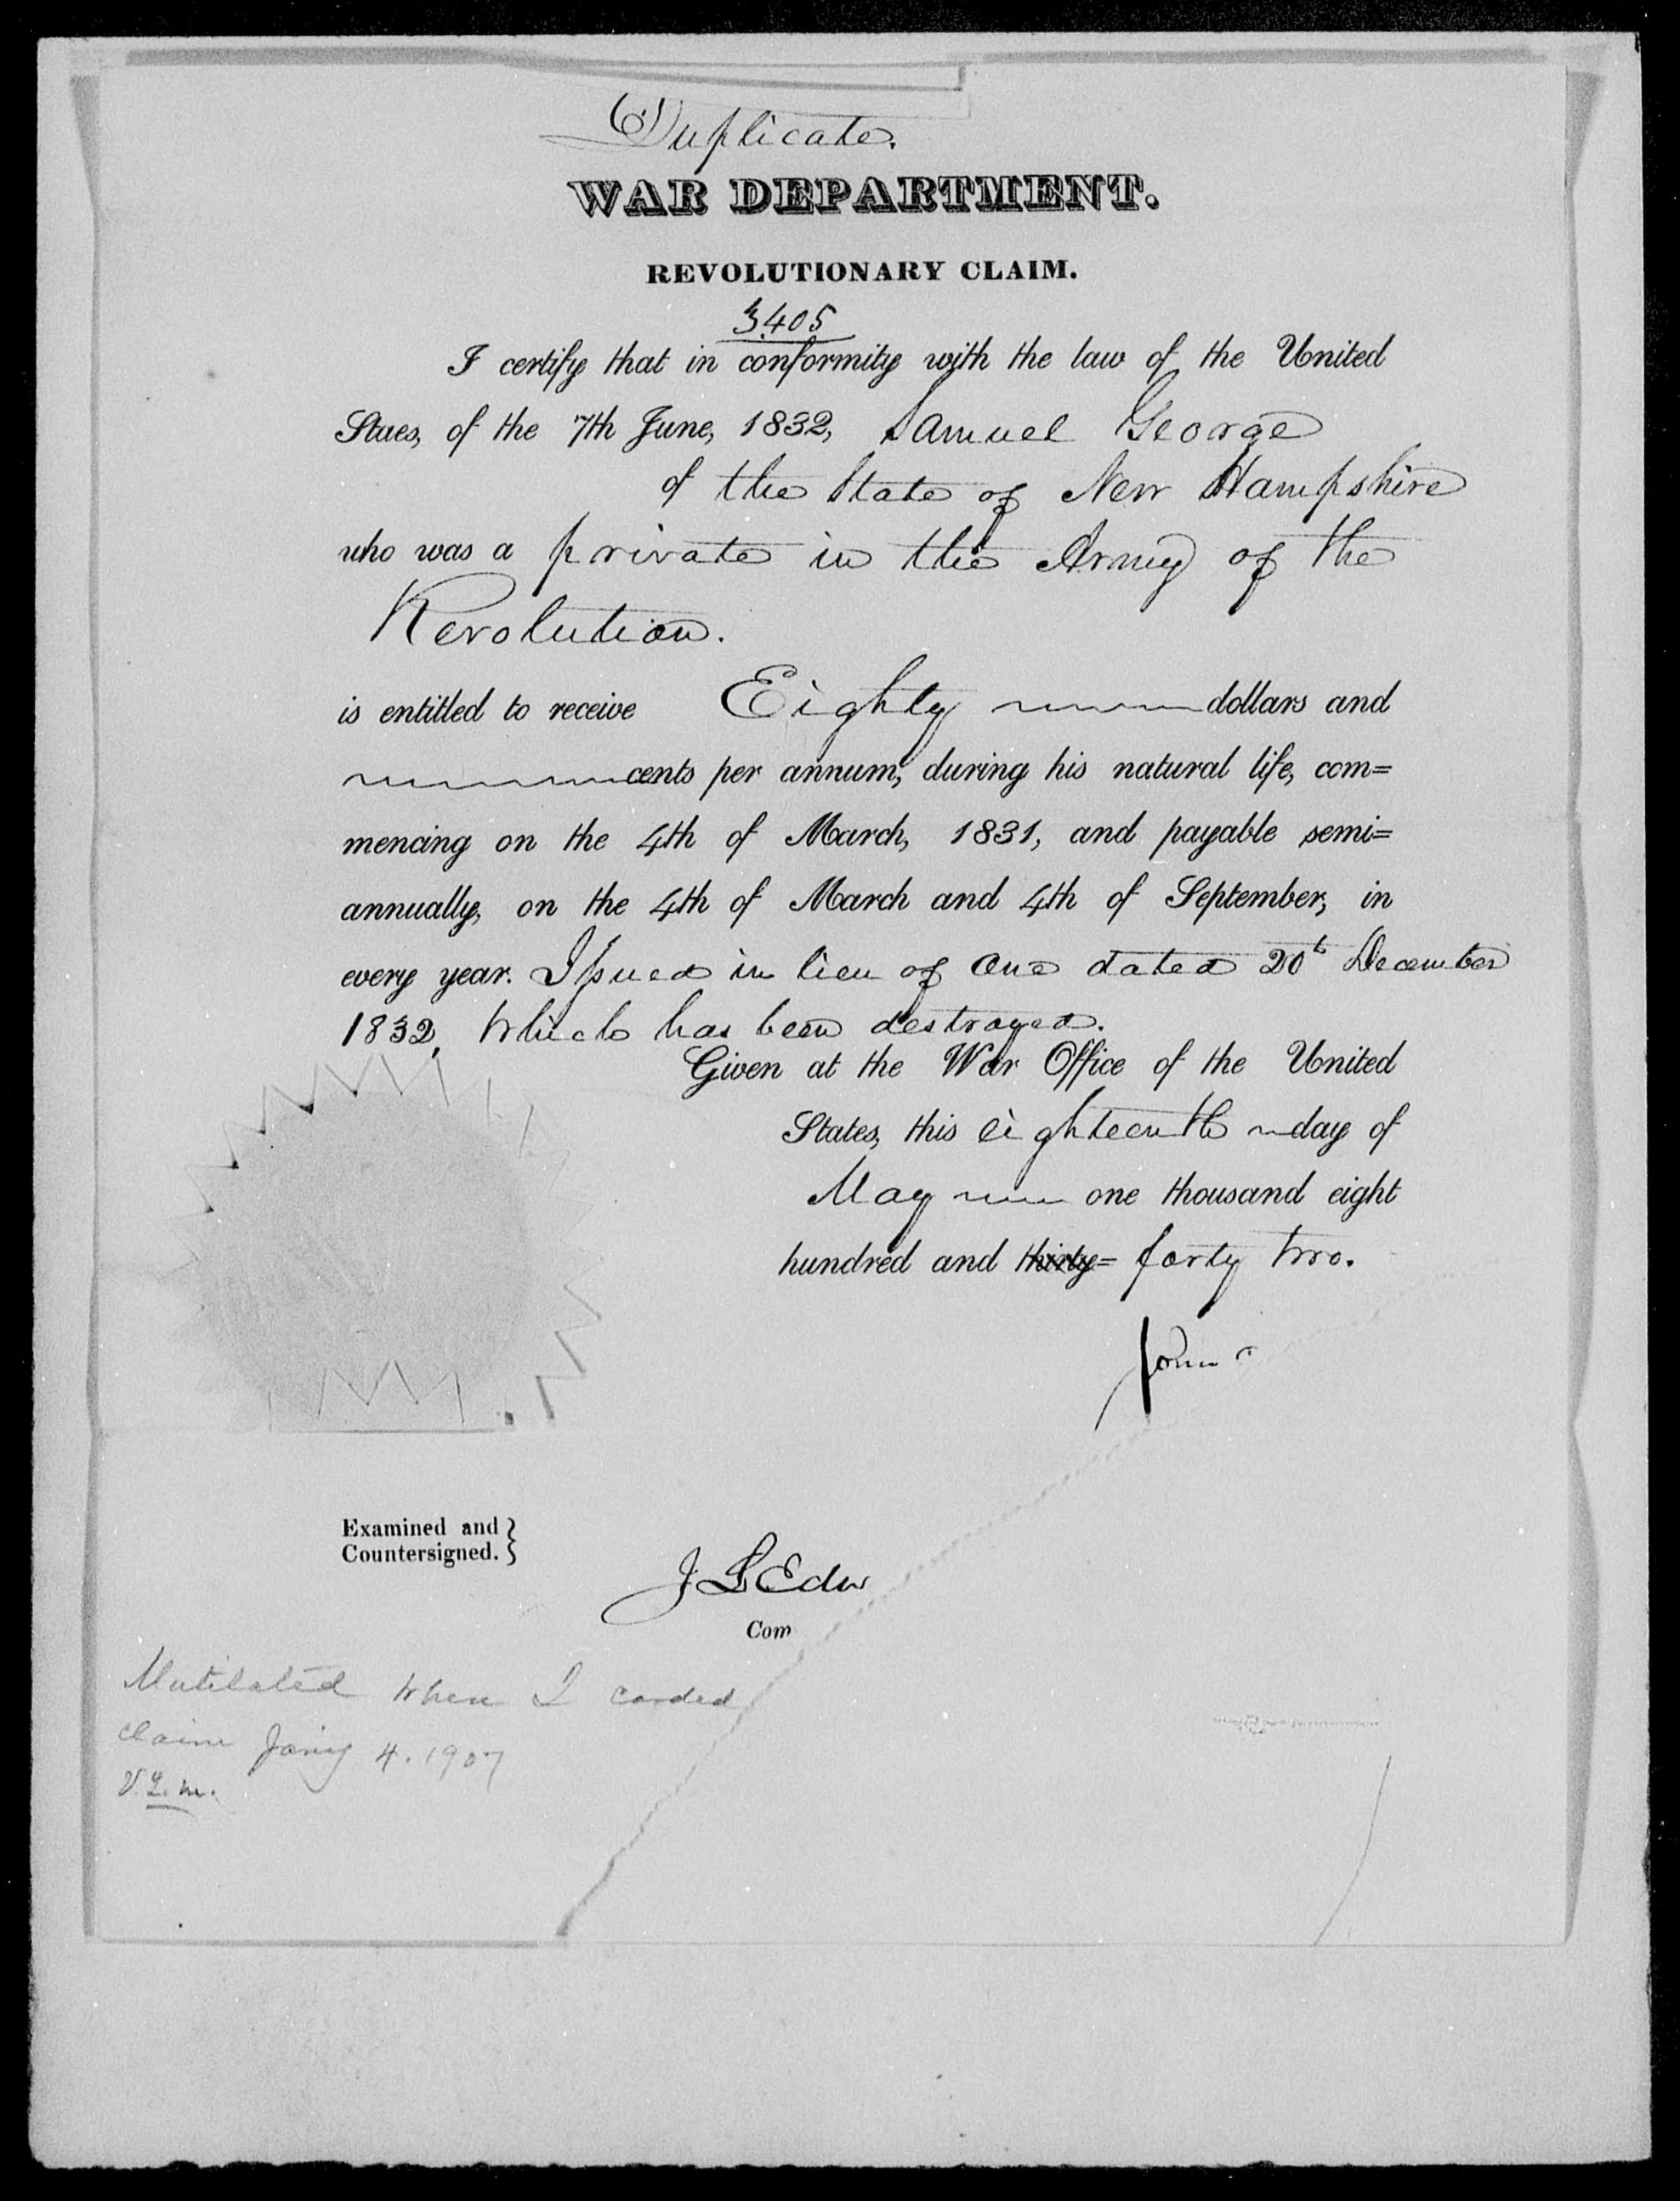Duplicate

WAR DEPARTMENT.

REVOLUTIONARY CLAIM.
3,405

I certify that in conformity with the law of the United States, of the 7th June, 1832, Samuel George of the State of New Hampshire who was a private in the Army of the
Revolution is entitled to receive Eighty dollars and ----- cents per annum, during his natural life, commencing on the 4th of March, 1831, and payable semi-annually, on the 4th of March and 4th of September, in every year. [illegible] in lieu of one dated 20th December 1832, [illegible] has been destroyed.

Given at the War Office of the United States
this eighteenth day of May one thousand eight
hundred and forty two.

John
[corner of document has been torn off and only the first name of the signer is available.]

Examined and
Countersigned.
J L Edw [corner torn off of document]
Com

Mutilated when I carded claim Jany 4, 1907
V.L.M.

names: J L Edw, Samuel George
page: 14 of 19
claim: survivor's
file: S. 15140, Samuel George, N.H.